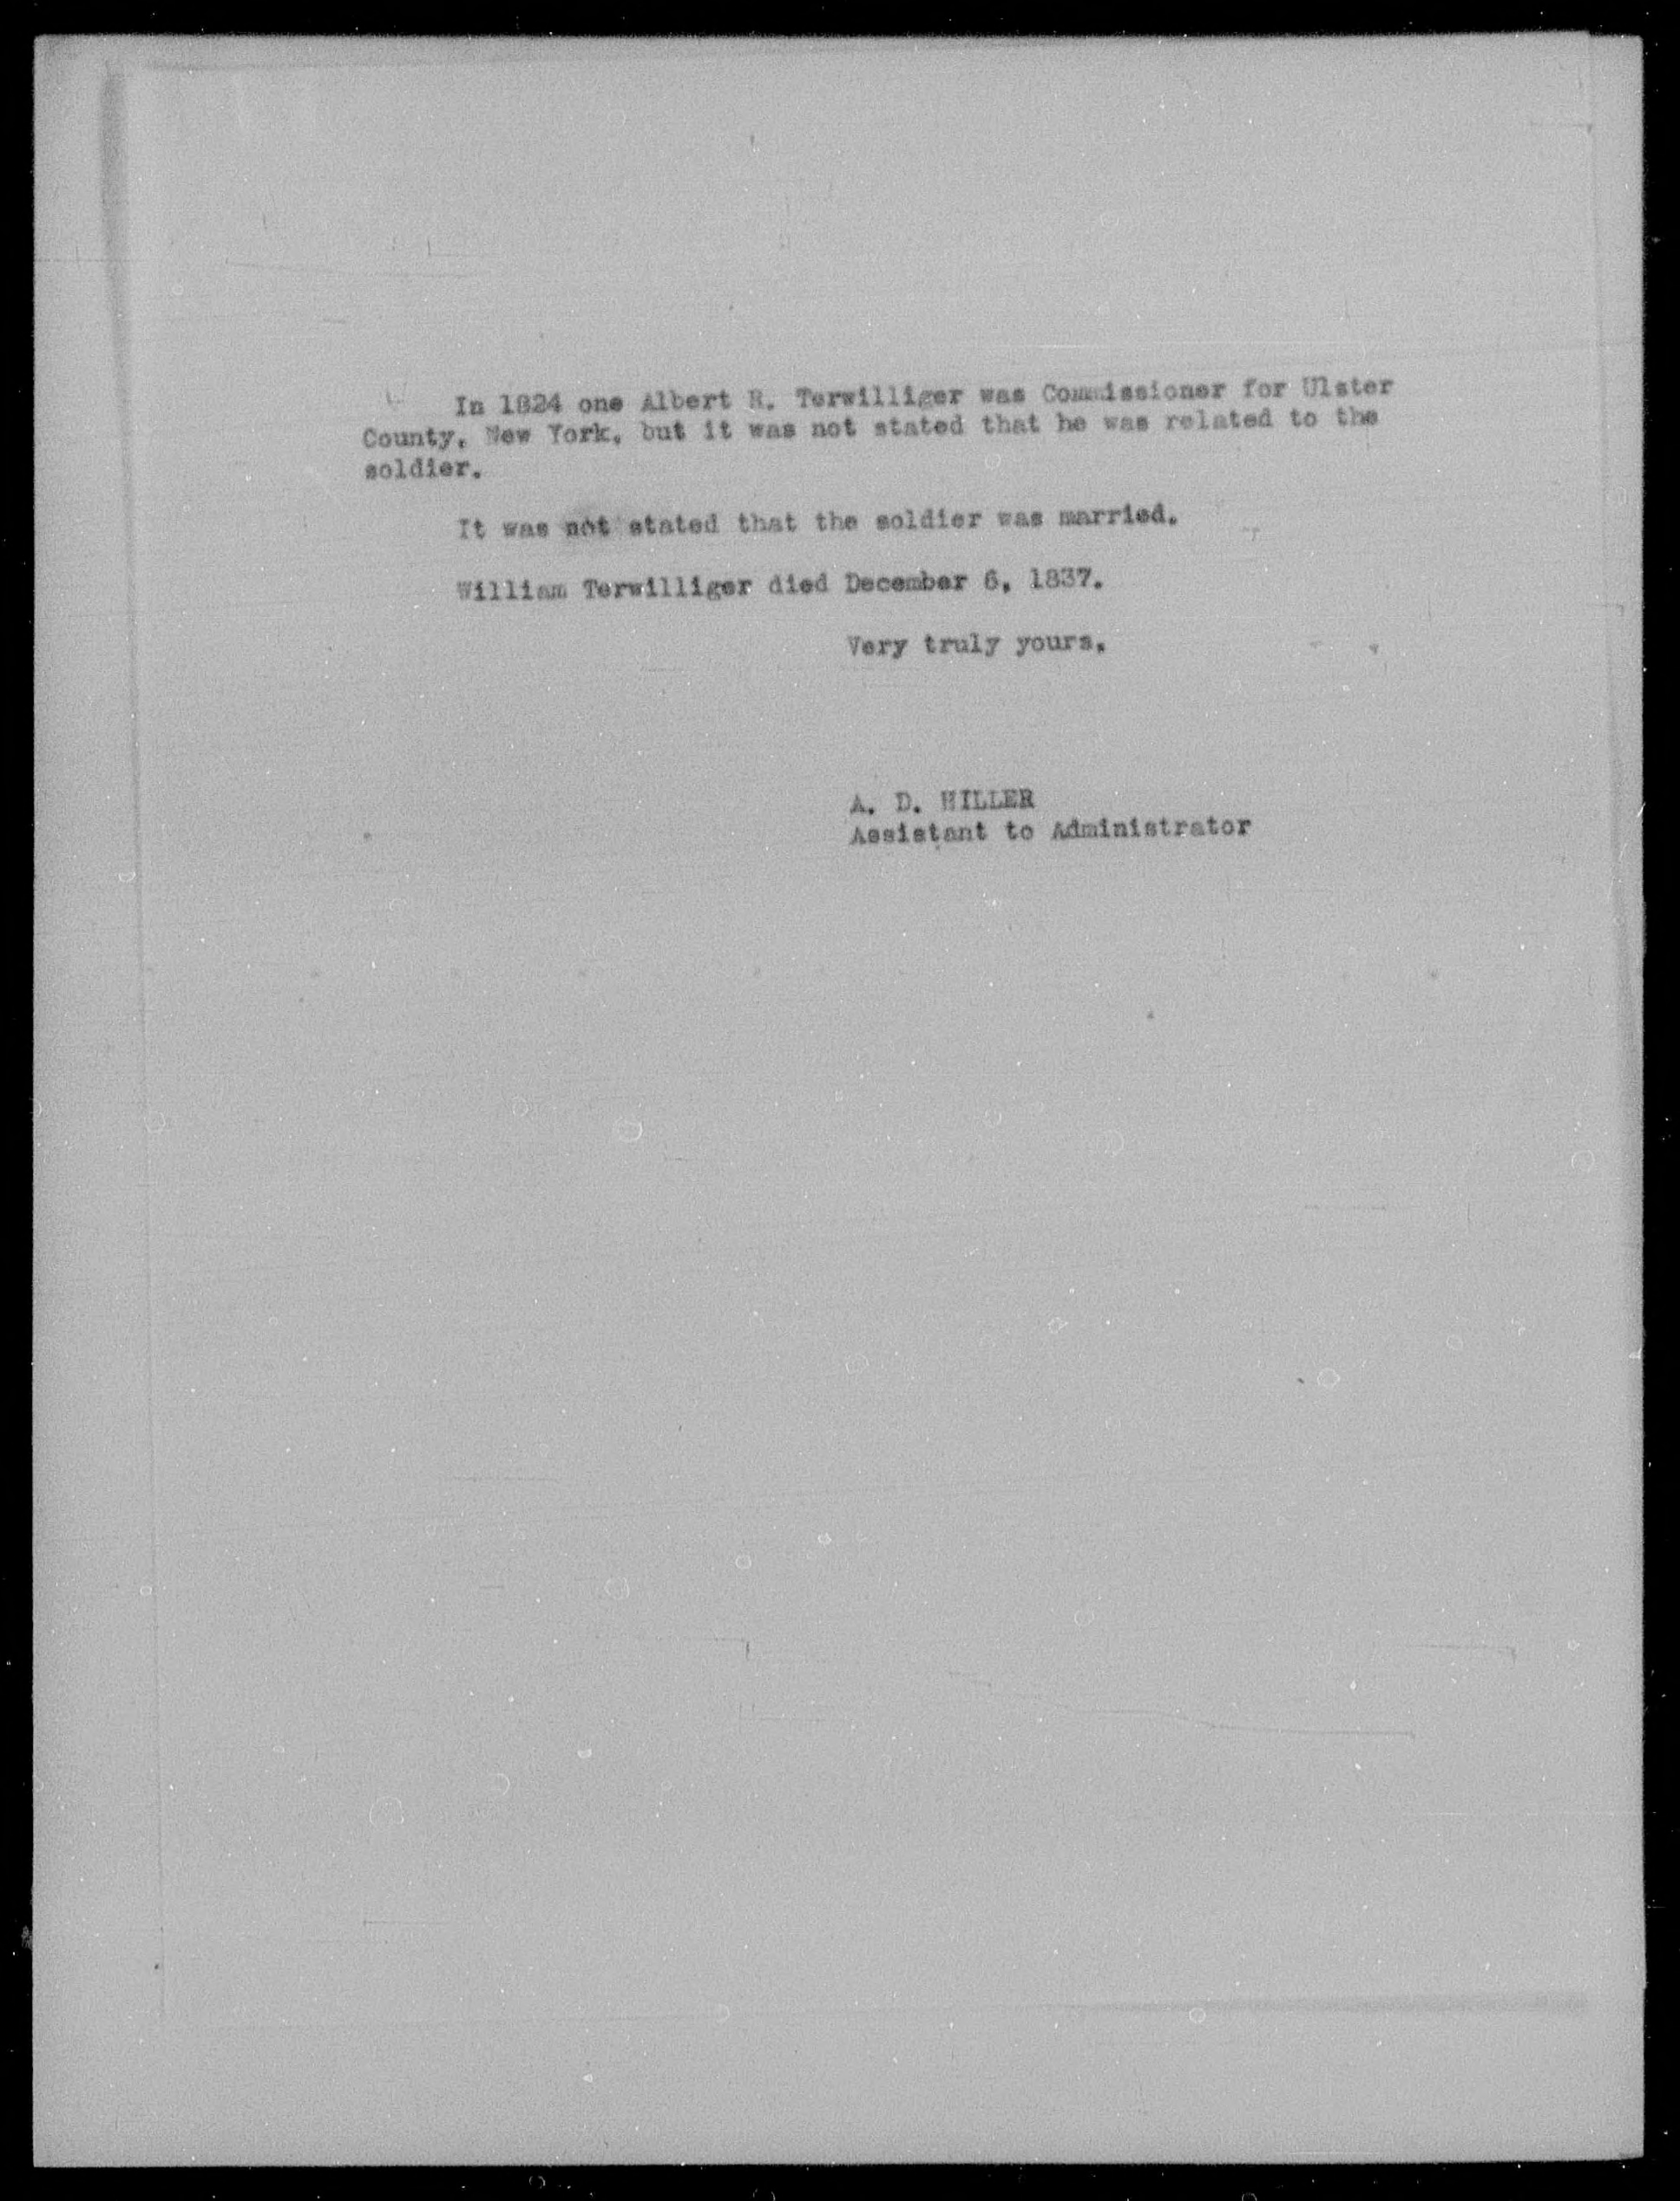In 1824 one Albert R. Terwilliger was commissioner for Ulster
County, New York, but it was not stated that he was related to the
soldier,
It was not stated that the soldier was married.
William Terwilliger died December 6, 1837.
Very truly yours,
A. D. HILLER
Assistant to Administrator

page: 16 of 64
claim: survivor's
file: S. 42,464, for William Terwilliger, New York